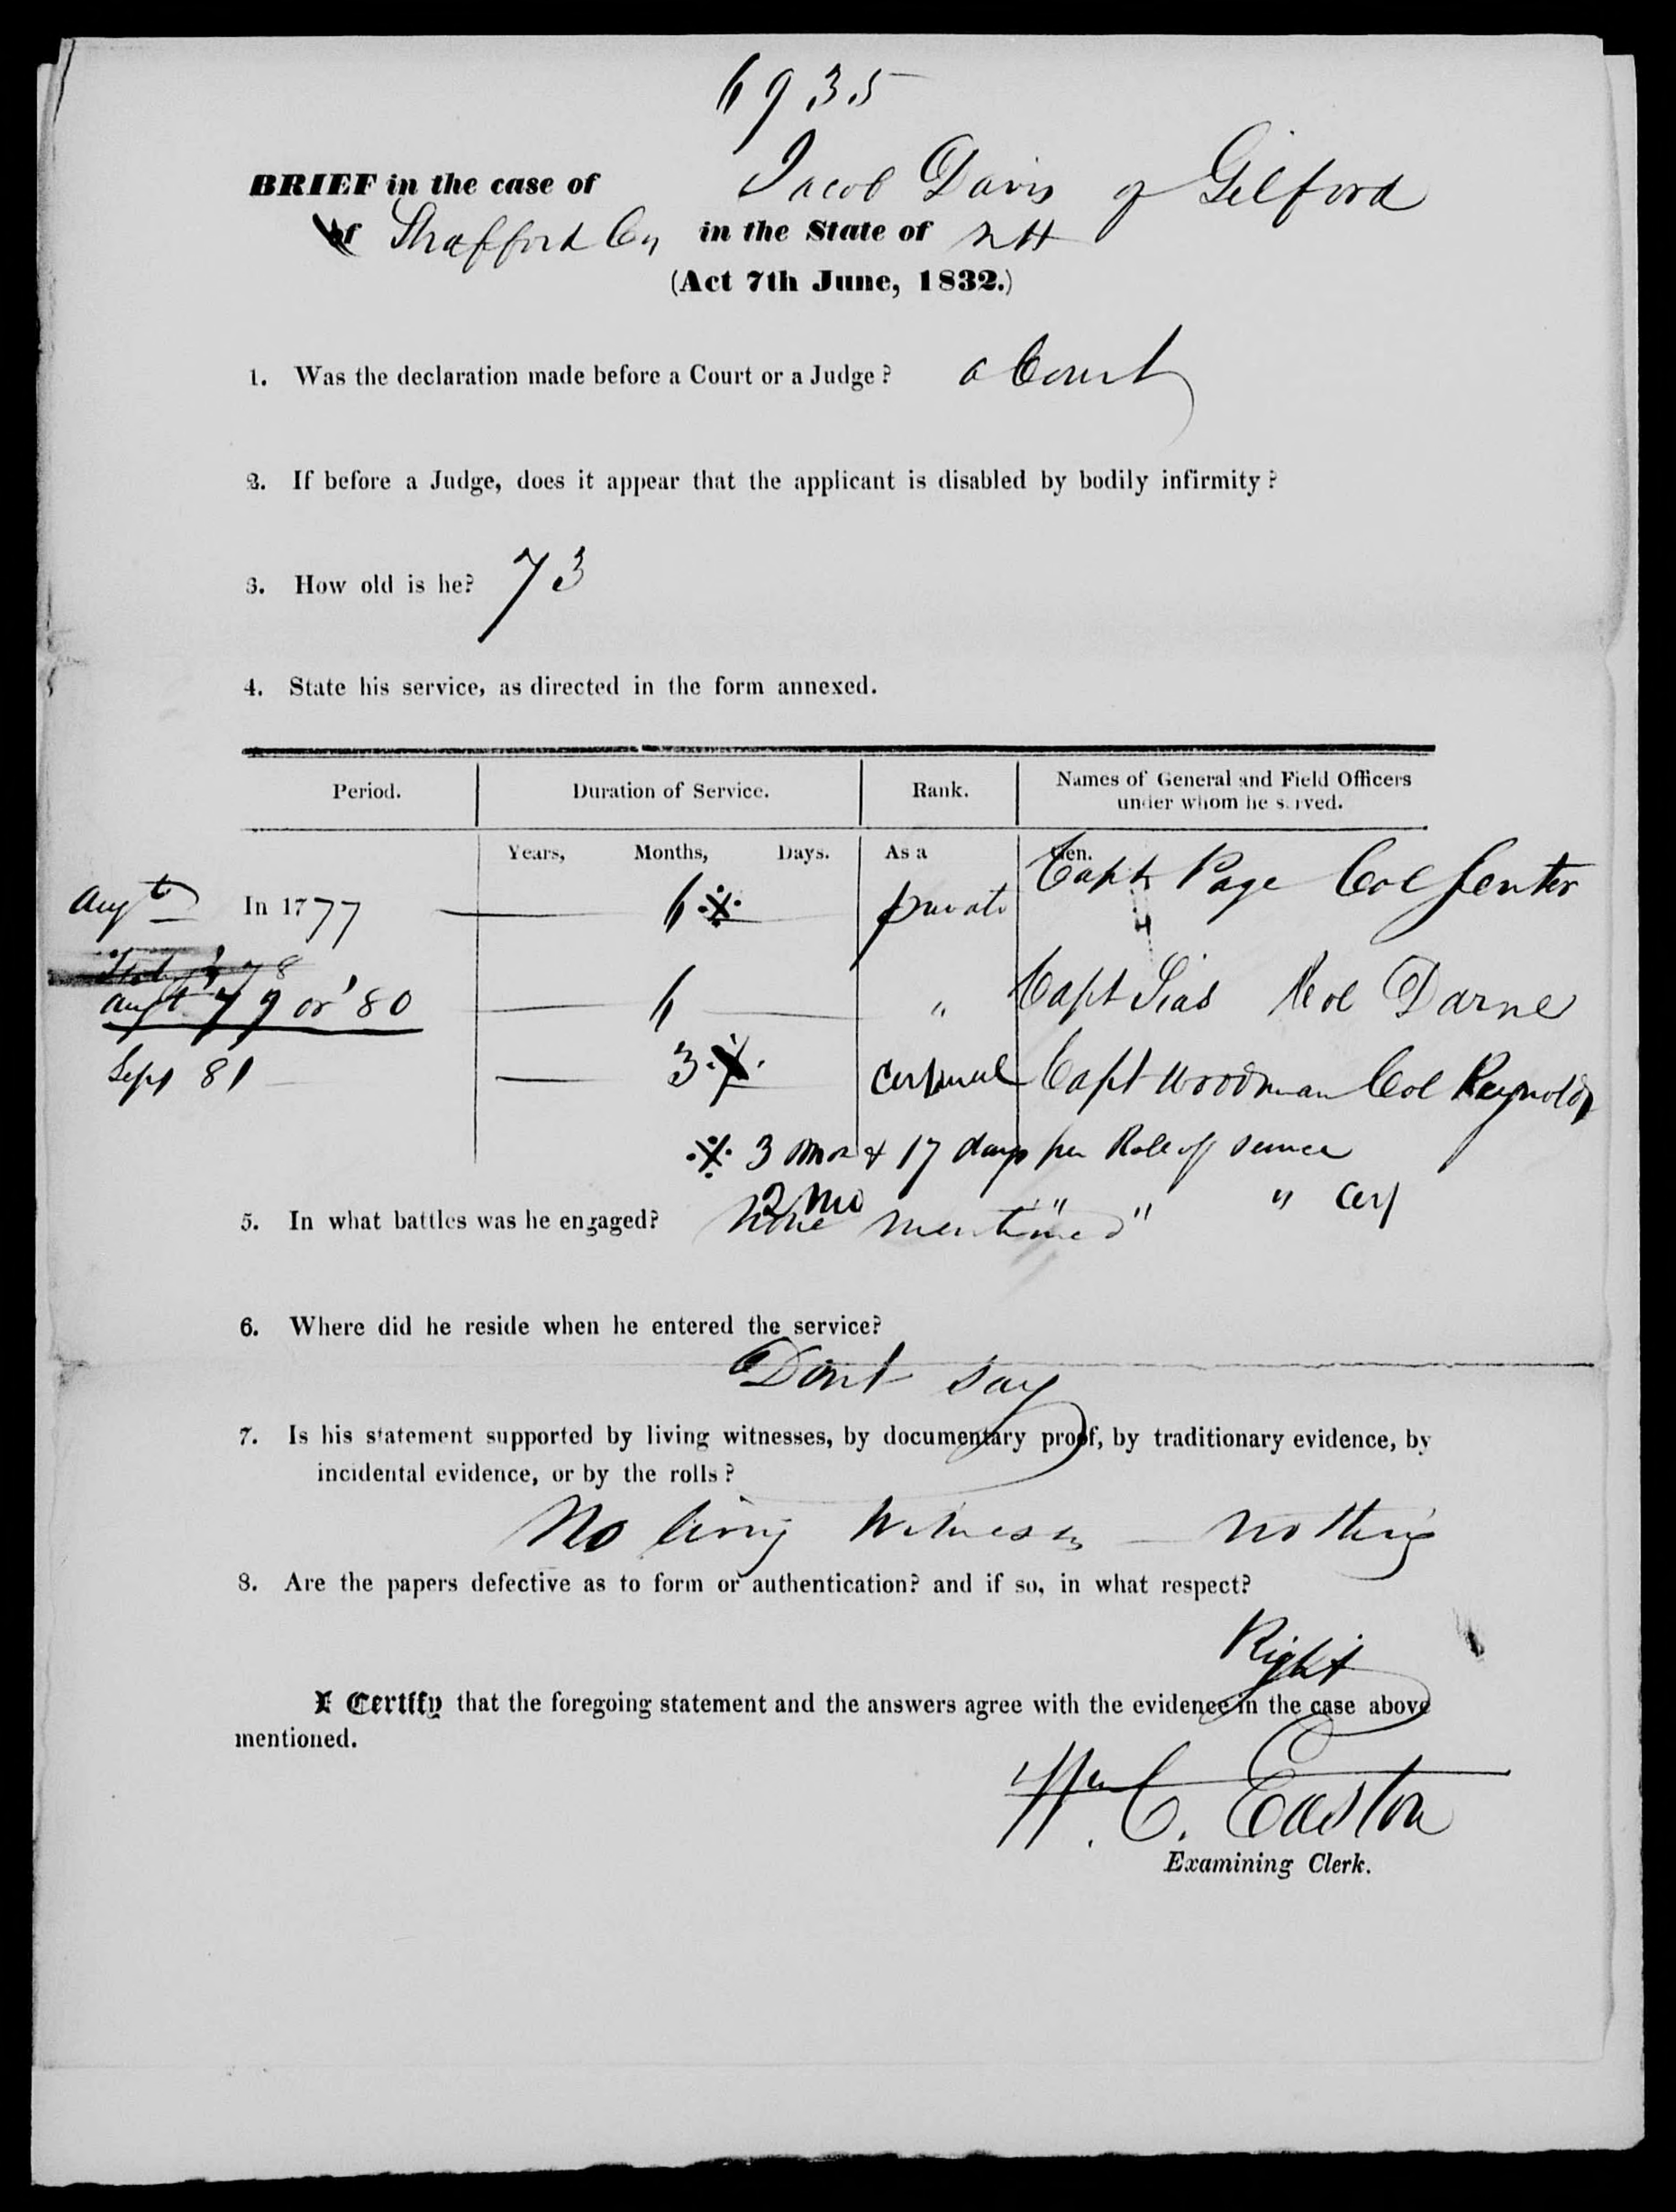6935
BRIEF in the case of
Jacob Davis of Gilford
Strafford Co in the State of NH
(Act 7th June, 1832.)
1. Was the declaration made before a Court or a Judge? a Court
2. If before a Judge, does it appear that the applicant is disabled by bodily infirmity? [blank]
3. How old is he? 73
4. State his service, as directed in the form annexed.
Period. |
Duration of Service.
Years,
Months,
Days. |
Rank.
As a |
Names of General and Field Officers
under whom he served. Gen.|
Augt In 1777 | 6 Months, | Private | Capt Page Col Senter
[crossed out Feby 4 78]
Augt '79 or '80 | 6 Months | Private | Capt Sias Col Darne
Sept 81 | 3 Months | Corporal | Capt Woodman Col Reynolds
3 Mos and 17 days per Roll of service
2 Mo per Roll of service cert
5. In what battles was he engaged? None mentioned
6. Where did he reside when he entered the service?
Don[']t say
7. Is his statement supported by living witnesses, by documentary proof, by traditionary evidence, by
incidental evidence, or by the rolls?
No living Witnesses nothing
8. Are the papers defective as to form or authentication? and if so, in what respect?
Right
I certify that the foregoing statement and the answers agree with the evidence in the case above mentioned.
Wm. C. Easton
Examining Clerk.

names: Wm C Easton, Gilford, Jacob Davis, Page, Sias, Senter, Woodman, Reynolds, Darne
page: 6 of 47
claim: widow's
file: W. 24043, Jacob Davis, N.H.